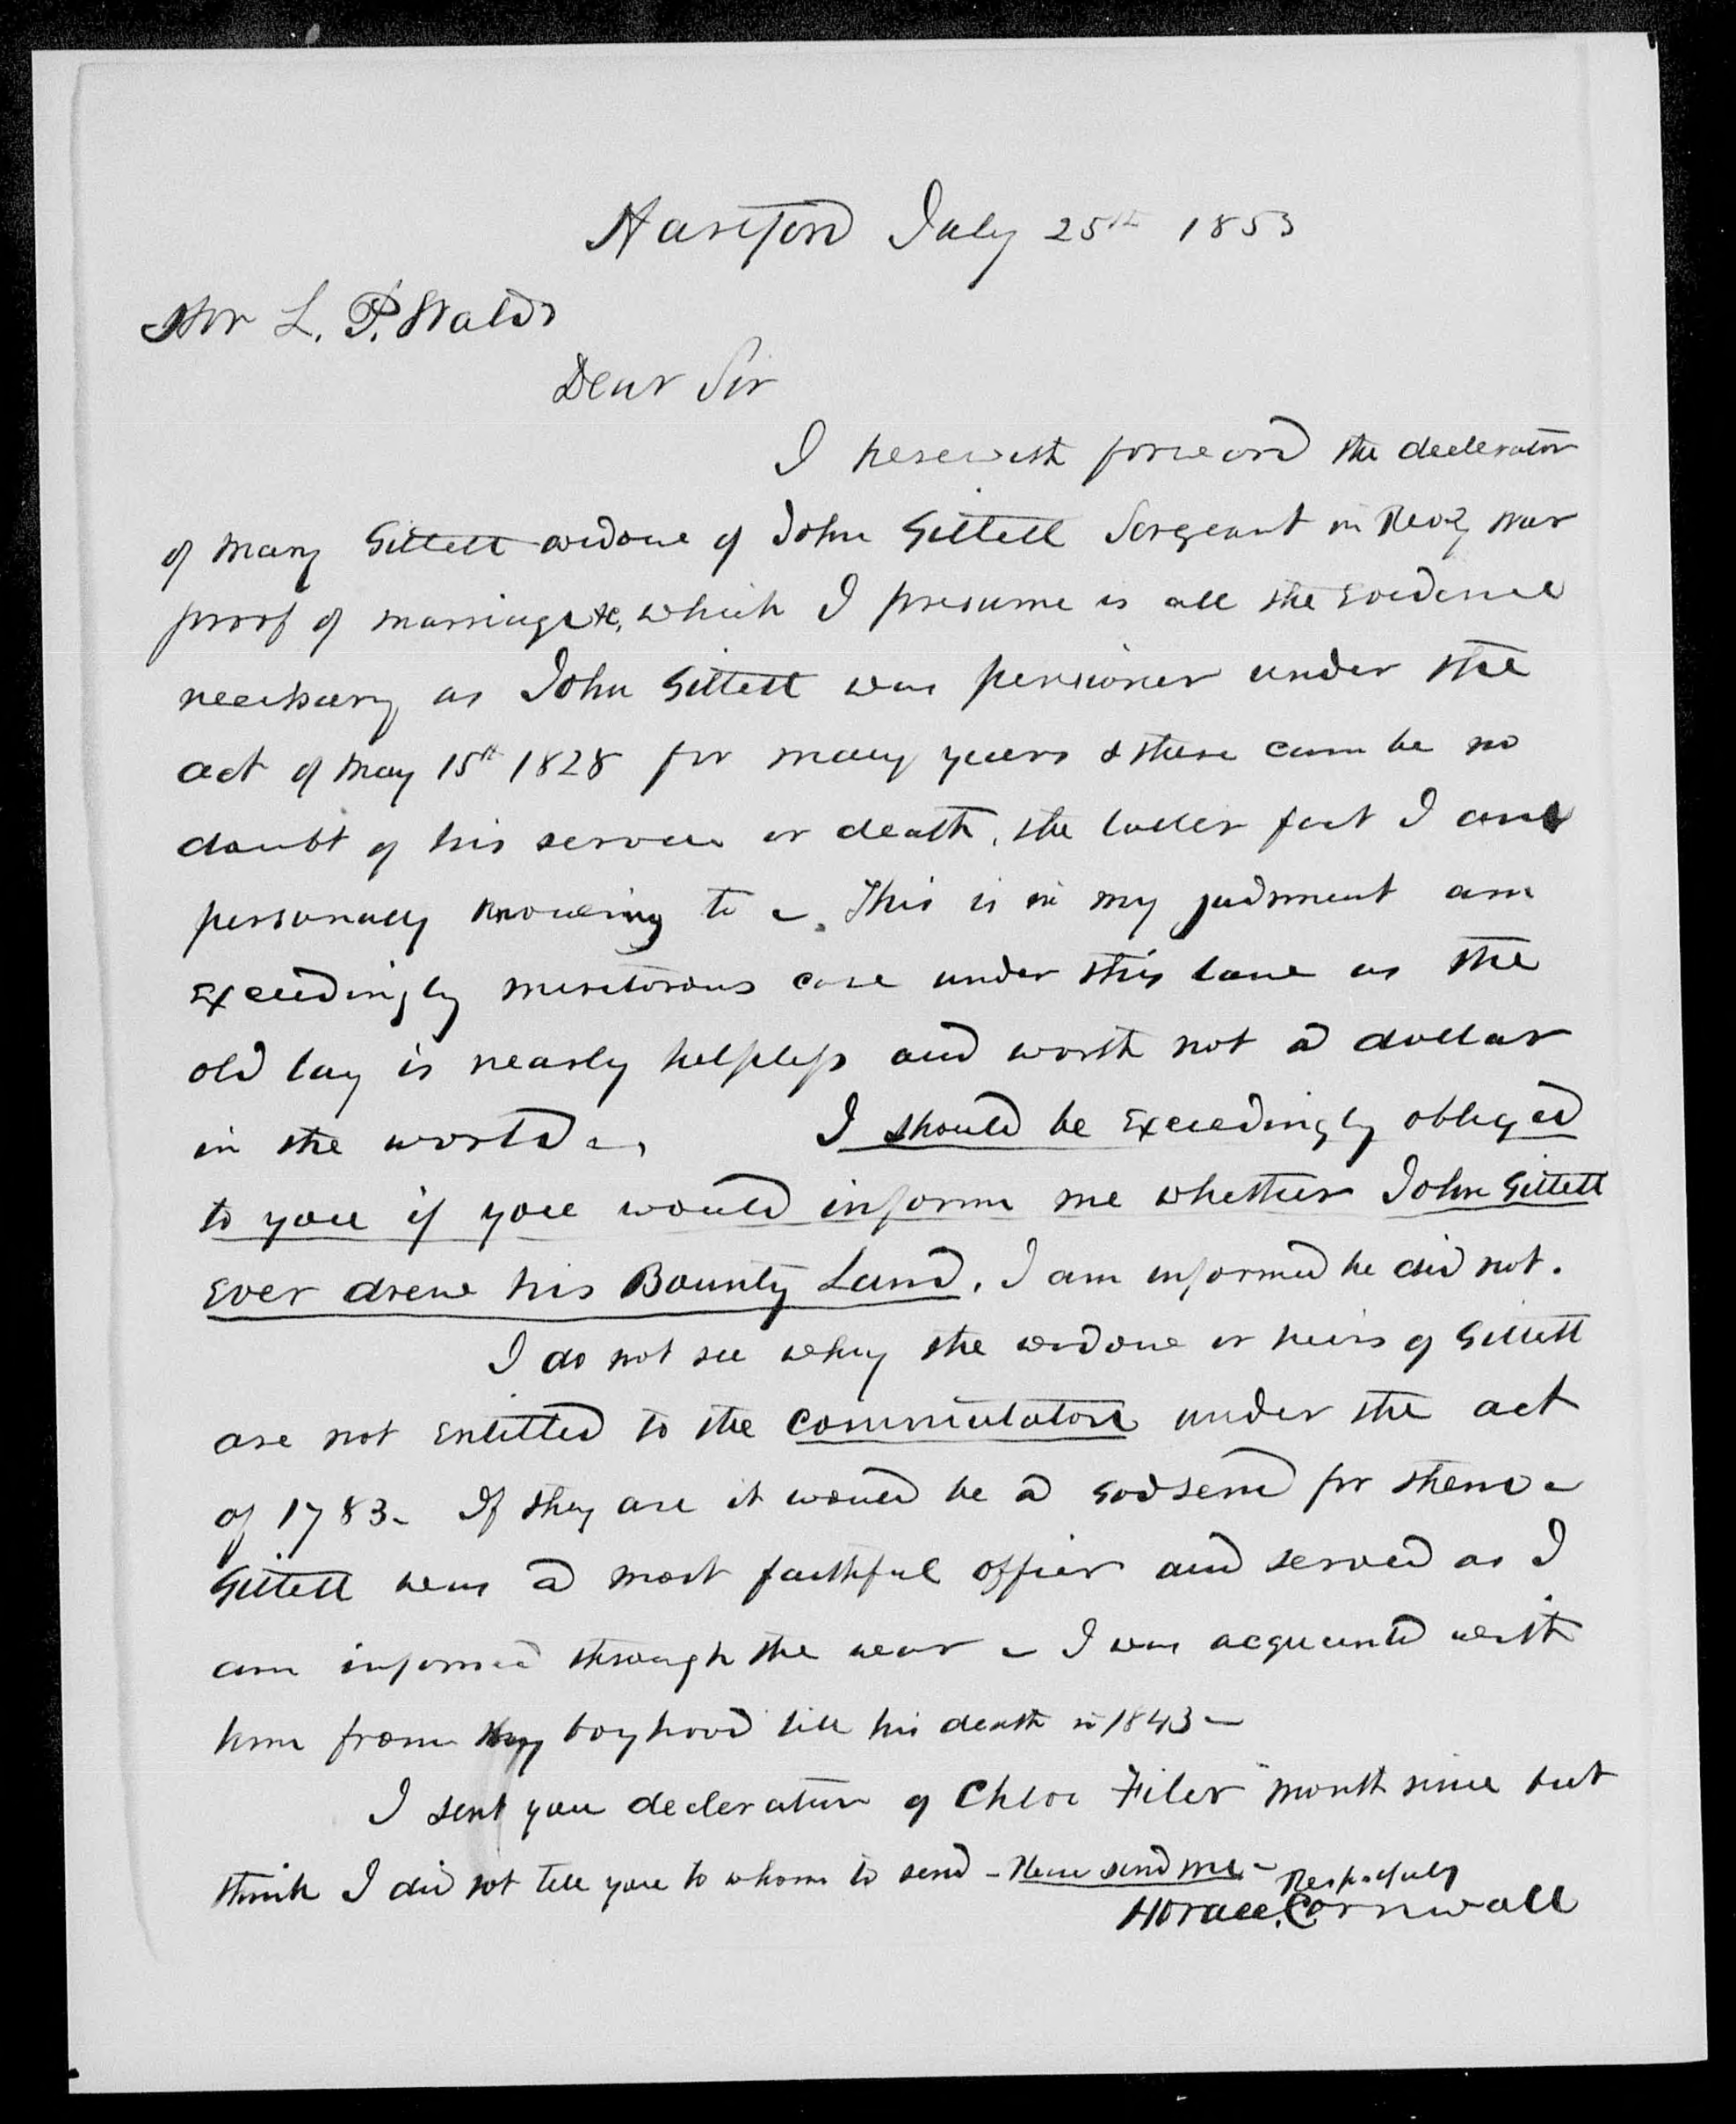Hanton  July 25th 1853

Hon L.P. Waldo
       Dear Sir

    I herewith forward the declaration of Mary Gillet widow of John Gillet Sergeant in Revy War proof of marriage, etc. which I presume is all the evidence necessary as John Gillet was pensioner under the Act of May 15th 1828 for many years & there can be no doubt of his service or death, the  the latter fact I am personally mourning t....
      
    This is in my judgement an exceedingly monotonous case under this law as the old boy is nearly helpless, and worth not a dollar in the world -   I should be exceedingly obliged to you if you would inform me whether John Gillet ever drew his Bounty Land.
[The entire prior sentence is underlined]  I am informed he did not.
 
   I do not see why the widow or heirs of Gillet are not entitled to the commutation [word underlined] under the act of 1783.  If they are it would be a godsend for them - Gillet was  a most faithful officer and served as I am informed through the war -  I was acquainted with him from my boyhood till his death in 1843 -

   I sent you declaration of Chloe Filer month since but think I did not tell you to whom to send - Please send me -
                               Respectfully
                                   Horace Cornwall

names: Horace Cornwall, Gillett, John Gillett, Gillett, Chloe Filer, John Gillett, L P Waldo, John Gillett, Mary Gillett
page: 27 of 40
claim: survivor's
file: S. 36,537 And R. 4034, John Gillet, Conn.